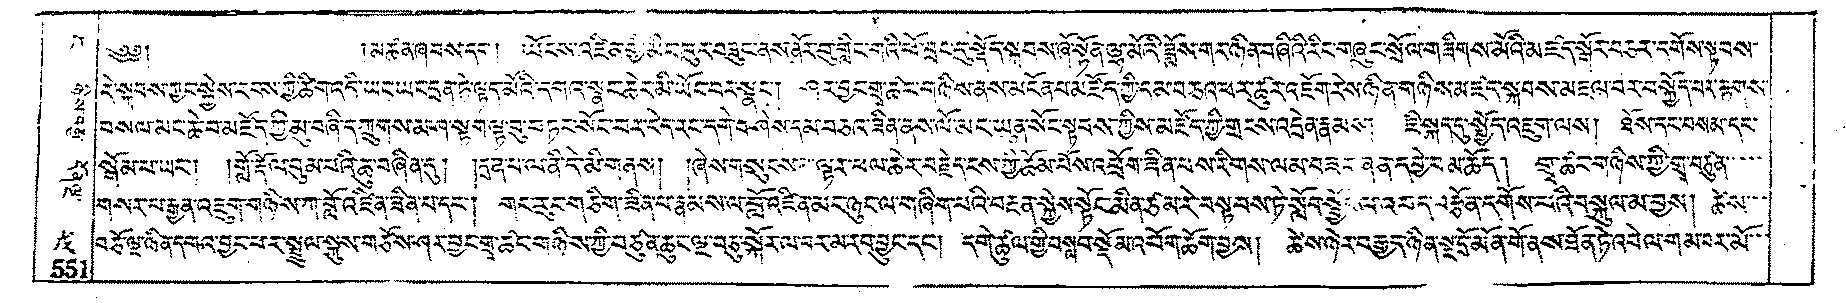༄༅། །མཚན་ཞབས་དང་། ཡོངས་འཛིན་གྱི་མིང་ཁུར་བཟུང་ནས་ནོར་བུ་གླིང་གའི་ཕོ་བྲང་དུ་སྡོད་སྐབས་ཞོ་སྟོན་ལྷ་མོའི་ཟློས་གར་ཉིན་བཞིའི་རིང་གཞུང་སྲོལ་གཟིགས་མོའི་མཛད་སྒོར་བཅར་དགོས་སྟབས་
དེ་སྐབས་ཀྱང་སྐྱེས་རབས་ཀྱི་ཚིག་འདི་ཡང་ཡང་དྲན་ཏེ་ལྟད་མོའི་དགའ་སྣང་ཆེར་མི་ཡོང་བར་སྣང་། ཤར་བྱང་གྲྭ་ཚང་གཉིས་ནས་མངོན་པ་མཛོད་ཀྱི་དམ་བཅའ་ཕར་ཚུར་འཇོག་རེས་ཉིན་གཉིས་མཛད་སྐབས་མཇལ་བར་བསྐྱོད་པར་རྟགས་
བསལ་མང་ཆེ་བ་མཛོད་ཀྱི་མུ་བཞི་དཀྲུགས་མ་ཤ་སྟག་ལྟ་བུ་བཏང་སོང་བར་ངེད་རང་དགེ་བཤེས་དམ་བཅའ་ཟིན་ནས་ལོ་མང་ཡུན་སོང་སྟབས་ཀྱིས་མཛོད་ཀྱི་གྲངས་འདྲེན་རྣམས། ཇི་སྐད་དུ་སྤྱོད་འཇུག་ལས། ཐོས་དང་བསམ་དང་
སྒོམ་པ་ཡང་། །གློ་རྡོལ་བུམ་པའི་ཆུ་བཞིན་དུ། །དྲན་པ་ལ་ནི་དེ་མི་གནས། །ཞེས་གསུངས་པ་ལྟར་ཕལ་ཆེར་བརྗེད་ངས་ཀྱི་ཆོམ་པོས་འཕྲོག་ཟིན་པས་རིགས་ལམ་བཟང་ནན་དབྱེ་བ་མ་ཆོད། གྲྭ་ཚང་གཉིས་ཀྱི་གྲྭ་བཙུན་
གསར་པ་རྒྱན་འཇུག་གཉིས་ཀ་བློ་འཛིན་ཟིན་པ་དང་། གང་རུང་གཅིག་ཟིན་པ་རྣམས་ལ་བློ་འཛིན་མང་ཉུང་ལ་གཞིག་པའི་བརྔན་སྐྱེས་སྟོང་མིན་ཙམ་རེ་བསྟབས་ཏེ་སློབ་སྦྱོང་ལ་འབད་བརྩོན་དགོས་པའི་བསྐུལ་མ་བྱས། ཚེས་
བཅོ་ལྔ་ཉིན་དགའ་བྱང་ཕ་ར་སྤྲུལ་སྐུས་གཙོས་ཤར་བྱང་གྲྭ་ཚང་གཉིས་ཀྱི་བཙུན་ཆུང་ལྔ་བཅུ་སྐོར་ལ་བར་མ་རབ་བྱུང་དང་། དགེ་ཚུལ་གྱི་བསླབ་སྡོམ་འབོག་ཆོག་བྱས། ཚེས་ཉེར་བརྒྱད་ཉིན་སྔ་དྲོ་མོན་གོ་ནས་ཐོན་ཏེ་འབེལ་གམ་བར་མོ་